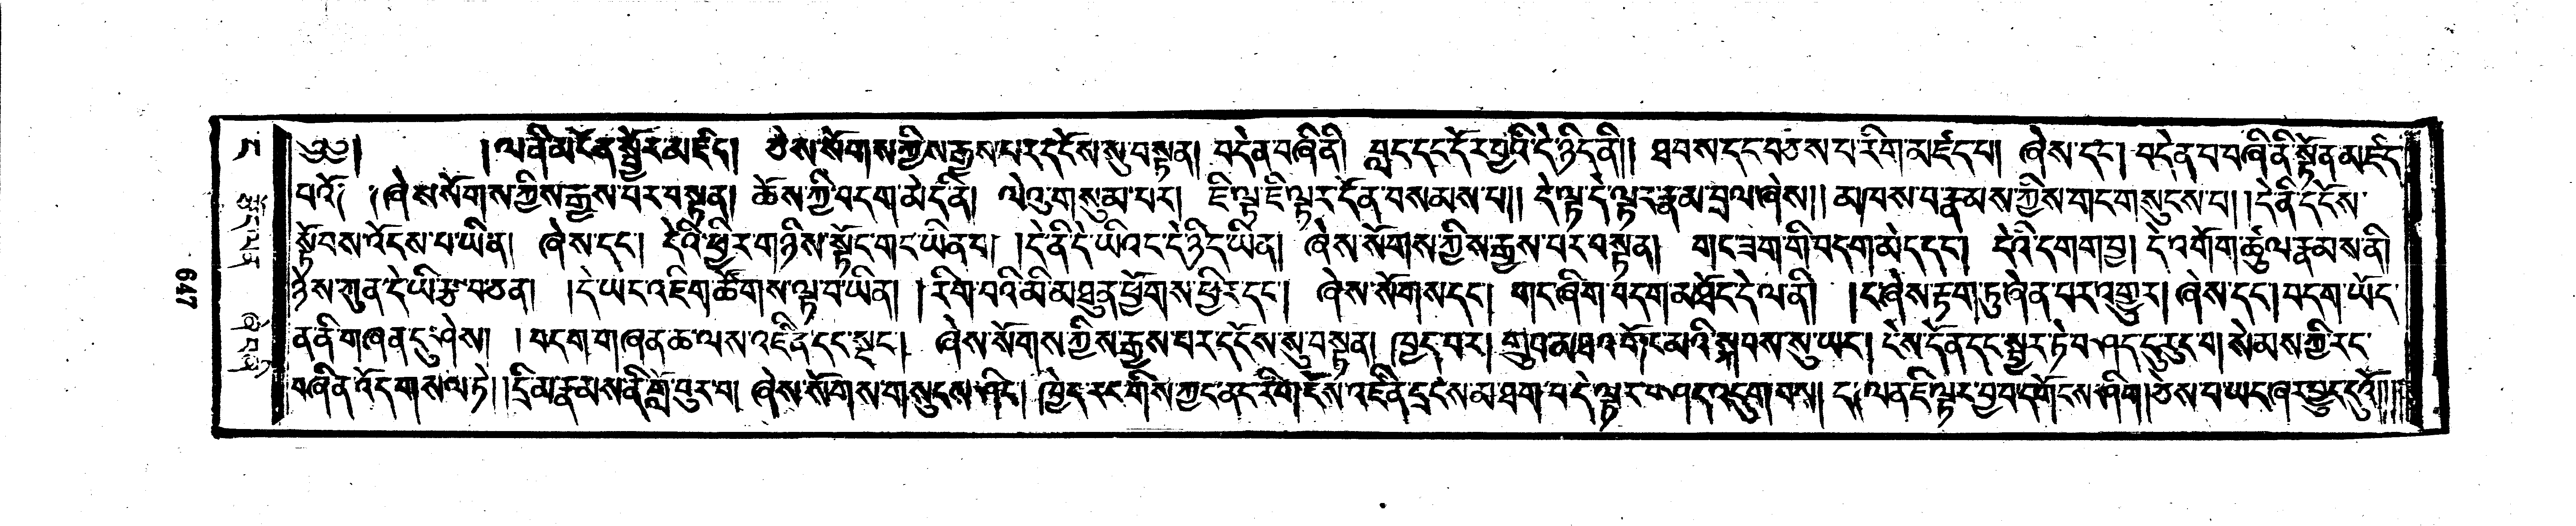༄༅། །ལ་ནི་མངོན་སྦྱོར་མཛད། ཅེས་སོགས་ཀྱིས་རྒྱས་པར་དངོས་སུ་བསྟན། བདེན་བཞི་ནི། བླང་དང་དོར་བྱའི་དེ་ཉིད་ནི། ཐབས་དང་བཅས་པ་རིག་མཛད་པ། ཞེས་དང་། བདེན་པ་བཞི་ནི་སྟོན་མཛད་
པའོ༑ ༑ཞེས་སོགས་ཀྱིས་རྒྱས་པར་བསྟན། ཆོས་ཀྱི་བདག་མེད་ནི། ལེའུ་གསུམ་པར། ཇི་ལྟ་ཇི་ལྟར་དོན་བསམས་པ། །དེ་ལྟ་དེ་ལྟར་རྣམ་བྲལ་ཞེས། །མཁས་པ་རྣམས་ཀྱིས་གང་གསུངས་པ། །དེ་ནི་དངོས་
སྟོབས་འོངས་པ་ཡིན། ཞེས་དང་། དེའི་ཕྱིར་གཉིས་སྟོང་གང་ཡིན་པ། །དེ་ནི་དེ་ཡིའང་དེ་ཉིད་ཡིན། ཞེས་སོགས་ཀྱིས་རྒྱས་པར་བསྟན། གང་ཟག་གི་བདག་མེད་དང་། དེའི་དགག་བྱ། དེ་འགོག་ཚུལ་རྣམས་ནི།
ཉེས་ཀུན་དེ་ཡི་རྩ་བ་ཅན། །དེ་ཡང་འཇིག་ཚོགས་ལྟ་བ་ཡིན། །རིག་པའི་མི་མཐུན་ཕྱོགས་ཕྱིར་དང་། ཞེས་སོགས་དང་། གང་ཞིག་བདག་མཐོང་དེ་ལ་ནི། །ང་ཞེས་རྟག་ཏུ་ཞེན་པར་འགྱུར། ཞེས་དང་། བདག་ཡོད་
ན་ནི་གཞན་དུ་ཤེས། །བདག་གཞན་ཆ་ལས་འཛིན་དང་སྡང་། ཞེས་སོགས་ཀྱིས་རྒྱས་པར་དངོས་སུ་བསྟན། ཁྱད་པར། གྲུབ་མཐའ་གོང་མའི་སྐབས་སུ་ཡང་། ངེས་དོན་དང་སྦྱར་ཏེ་བཤད་དུ་རུང་བ། སེམས་ཀྱི་རང་
བཞིན་འོད་གསལ་ཏེ། །དྲི་མ་རྣམས་ནི་གློ་བུར་བ། ཞེས་སོགས་གསུངས་ཤིང་། ཁྱེད་རང་གིས་ཀྱང་ནང་རིག་ངོས་འཛིན་དྲངས་མ་ཐག་པ་དེ་ལྟར་བཤད་འདུག་པས། ད༑ ལན་ཇི་ལྟར་བྱ་བ་དགོངས་ཤིག །ཅེས་པ་ཡང་ཞར་བྱུང་དུའོ།། །།